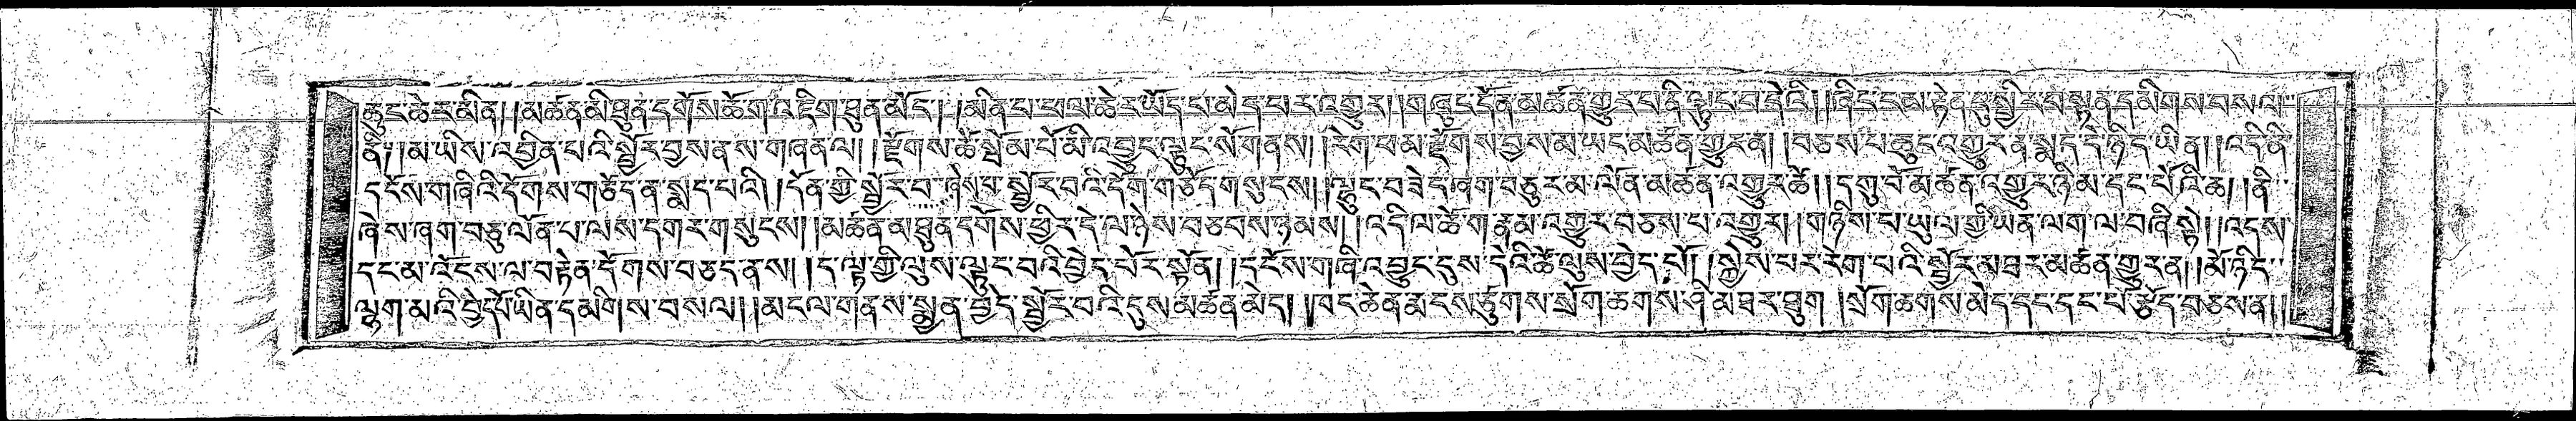ཆུང་ཆེར་མིན། །མཚན་མི་ཐུན་དགོས་ཆོ་ག་འཇིག་ཐུན་མོང་། །མིན་པ་ཕལ་ཆེར་ཡོད་པ་མེད་པར་འགྱུར། །གཞུང་དོན་མཚན་གྱུར་པ་ནི་ལྟུང་བ་དེའི། །ཞིང་ངམ་རྟེན་དུ་སྤྱིར་བསྟན་དམིགས་བསལ་
ནི༑ །མ་ཡིས་འབྱིན་པའི་སྦྱོར་བྱས་ནས་གཞན་ལ། །རྫོགས་ཚེ་སྦོམ་པོ་མི་འབྱུང་ལྟུང་སོ་གནས། །རེག་ཕམ་རྫོགས་བྱས་མ་ཡང་མཚན་གྱུར་ན། །བཅས་པ་ཆུང་འགྱུར་ན་སྨད་དེ་ཉིད་ཡིན། །འདི་ནི་
དངོས་གཞིའི་དོགས་གཅོད་ན་སྨད་པའི། །དོན་གྱི་སྦྱོར་བ་ཞེས་པ་སྦྱོར་བའི་དོག་གཅོད་གསུངས། །ལྷུང་བཟེད་ཞག་བཅུར་མ་ལོན་མཚན་འགྱུར་ཚེ། །དགུ་བོ་མཚན་འགྱུར་ཉི་མ་དང་པོའི་ཆ། །ནི་
ཞེས་ཞག་བཅུ་ལོན་པ་ལས་དགར་གསུངས། །མཚན་མཐུན་དགོས་ཕྱིར་དེ་ལ་ཉེས་བཅབས་ཉམས། །འདི་ལ་ཆོ་ག་རྣམ་འགྱུར་བཅས་པ་འགྱུར། །གཉིས་པ་ཡུལ་གྱི་ཡན་ལག་ལ་བཞི་སྟེ། །འདས་
དང་མ་འོངས་ལ་བརྟེན་དོགས་བཅད་ནས། །ད་ལྟ་གྱི་ལུས་ལྟུང་བའི་བྱེད་པོར་སྟོན། །དངོས་གཞི་འབྱུང་དུས་དེའི་ཚེ་ལུས་བྱེད་པོ། །སྐྱེས་པར་རེག་པའི་སྦྱོར་མཐར་མཚན་གྱུར་ན། །མོ་ཉིད་
ལྷག་མའི་བྱེད་པོ་ཡིན་དམིགས་བསལ། །མངལ་གནས་སྨྱན་བྱེད་སྦྱོར་བའི་དུས་མཚན་མེད། །ཁང་ཆེན་རྨངས་ཙུགས་སྲོག་ཆགས་ཤི་མཐར་ཐུག །སྲོག་ཆགས་མེད་དང་དང་པོ་རྩོད་བཅས་ན། །